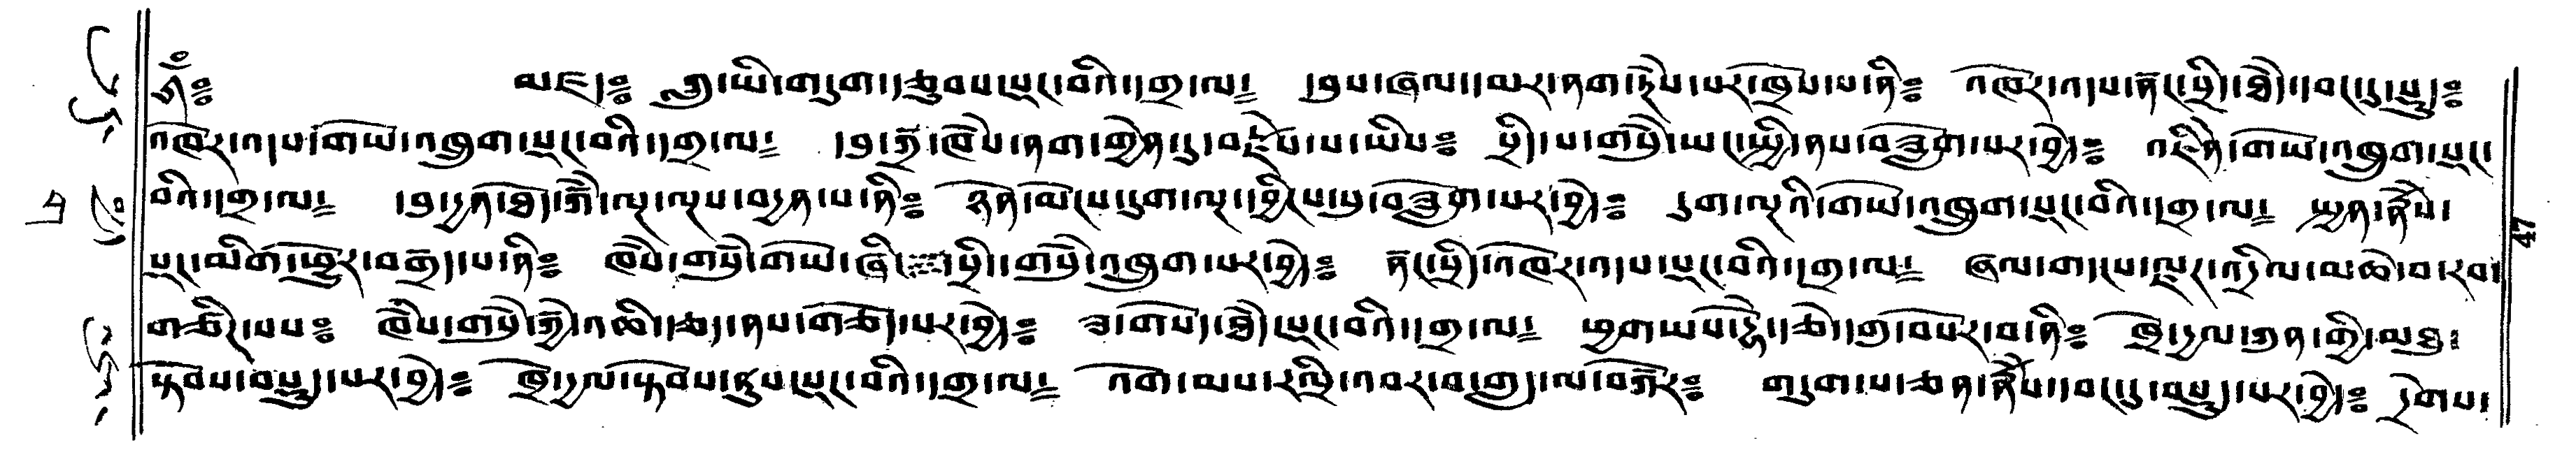མཛད༔ ཀླུ་ཡི་གདུག་རྩུབ་སྡང་བའི་དགྲ་ལ༴ དབུས་ཞལ་དམར་ནག་རྔམ་པར་ཁྲོས་པ་ནི༔ འཁོར་འདས་སྣང་སྲིང་ཐམས་ཅད་དབང་དུ་སྡུད༔ 
འཁོར་འདས་གཡོ་འཁྲུག་སྡང་བའི་དགྲ་ལ༴ དབུ་སྐྲ་ཁམ་ནག་གྱེན་དུ་བརྫེས་པ་ཡིས༔ སྲིད་པ་གསུམ་ཡང་སྤྱི་ནས་བཟློག་པར་བྱེད༔ འཇིག་རྟེན་གཡོ་འཁྲུག་སྡང་
བའི་དགྲ་ལ༴ དབུ་རྒྱན་ཐོད་སྐམ་ལྔ་ལྔས་བརྒྱན་པ་ནི༔ ཉོན་མོངས་དུག་ལྔ་དབྱིངས་སུ་བཟློག་པར་བྱེད༔ དུག་ལྔའི་གཡོ་འཁྲུག་སྡང་བའི་དགྲ་ལ༴ སྤྱན་རྣམས་
སྡང་མིག་ཕྱོགས་བཅུར་བསྒྲད་པ་ནི༔ ཁམས་གསུམ་གཡོ་ཞིང་སྲིད་གསུམ་འཁྲུག་པར་བྱེད༔ སྣང་སྲིད་འཁོར་འདས་སྡང་བའི་དགྲ་ལ༴ ཞལ་གདངས་ལྗགས་འདྲིལ་མཆེ་བ་རབ་
གཙིགས་པས༔ ཁམས་གསུམ་སྐྱེ་འཆི་རྩད་ནས་གཅོད་པར་བྱེད༔ ཟ་གསོད་ཐམས་ཅད་སྡང་བའི་དགྲ་ལ༴ ཕྱག་གཡས་རྡོ་རྗེ་རྩེ་དགུ་གསོར་བ་ནི༔ ཁྲོ་རྒྱལ་ཀུན་གྱི་མཐུ་
སྟོབས་བསྡུད་པར་བྱེད༔ ཁྲོ་རྒྱལ་སྟོབས་ནུས་སྡང་བའི་དགྲ་ལ༴ འོག་མས་རལ་གྲི་འབར་བ་ཀླད་ལ་བསྐོར༔ གདུག་པ་ཅན་རྣམས་དབང་དུ་སྡུད་པར་བྱེད༔ དྲེགས་